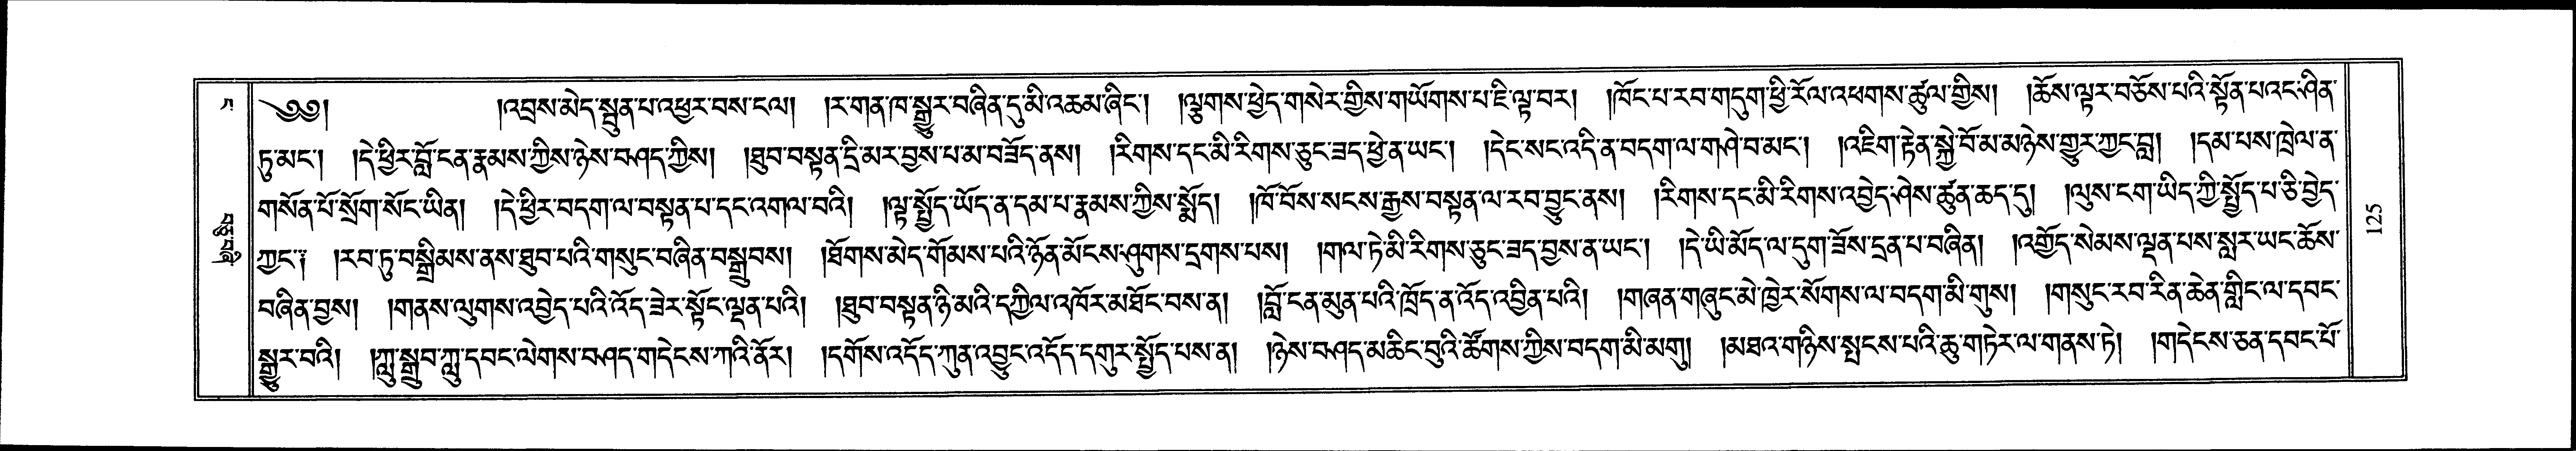༄༅། །འབྲས་མེད་སྦུན་པ་འཕྱར་བས་ངལ། །ར་གན་ཁ་སྒྱུར་བཞིན་དུ་མི་འཆམ་ཞིང་། །ལྕགས་ཕྱེད་གསེར་གྱིས་གཡོགས་པ་ཇི་ལྟ་བར། །ཁོང་པ་རབ་གདུག་ཕྱི་རོལ་འཕགས་ཚུལ་གྱིས། །ཆོས་ལྟར་བཅོས་པའི་སྟོན་པའང་ཤིན་
ཏུ་མང་། །དེ་ཕྱིར་བློ་ངན་རྣམས་ཀྱིས་ཉེས་བཤད་ཀྱིས། །ཐུབ་བསྟན་དྲི་མར་བྱས་པ་མ་བཟོད་ནས། །རིགས་དང་མི་རིགས་ཅུང་ཟད་ཕྱེ་ན་ཡང་། །དེང་སང་འདི་ན་བདག་ལ་གཤེ་བ་མང་། །འཇིག་རྟེན་སྐྱེ་བོ་མ་མཉེས་གྱུར་ཀྱང་བླ། །དམ་པས་ཁྲེལ་ན་
གསོན་པོ་སྲོག་སོང་ཡིན། །དེ་ཕྱིར་བདག་ལ་བསྟན་པ་དང་འགལ་བའི། །ལྟ་སྤྱོད་ཡོད་ན་དམ་པ་རྣམས་ཀྱིས་སྨོད། །ཁོ་བོས་སངས་རྒྱས་བསྟན་ལ་རབ་བྱུང་ནས། །རིགས་དང་མི་རིགས་འབྱེད་ཤེས་ཚུན་ཆད་དུ། །ལུས་ངག་ཡིད་ཀྱི་སྤྱོད་པ་ཅི་བྱེད་
ཀྱང་། །རབ་ཏུ་བསྒྲིམས་ནས་ཐུབ་པའི་གསུང་བཞིན་བསྒྲུབས། །ཐོགས་མེད་གོམས་པའི་ཉོན་མོངས་ཤུགས་དྲགས་པས། །གལ་ཏེ་མི་རིགས་ཅུང་ཟད་བྱས་ན་ཡང་། །དེ་ཡི་མོད་ལ་དུག་ཟོས་དྲན་པ་བཞིན། །འགྱོད་སེམས་ལྡན་པས་སླར་ཡང་ཆོས་
བཞིན་བྱས། །གནས་ལུགས་འབྱེད་པའི་འོད་ཟེར་སྟོང་ལྡན་པའི། །ཐུབ་བསྟན་ཉི་མའི་དཀྱིལ་འཁོར་མཐོང་བས་ན། །བློ་ངན་མུན་པའི་ཁྲོད་ན་འོད་འབྱིན་པའི། །གཞན་གཞུང་མེ་ཁྱེར་སོགས་ལ་བདག་མི་གུས། །གསུང་རབ་རིན་ཆེན་གླིང་ལ་དབང་
སྒྱུར་བའི། །ཀླུ་སྒྲུབ་ཀླུ་དབང་ལེགས་བཤད་གདེངས་ཀའི་ནོར། །དགོས་འདོད་ཀུན་འབྱུང་འདོད་དགུར་སྤྱོད་པས་ན། །ཉེས་བཤད་མཆིང་བུའི་ཚོགས་ཀྱིས་བདག་མི་མགུ། །མཐའ་གཉིས་སྤངས་པའི་ཆུ་གཏེར་ལ་གནས་ཏེ། །གདེངས་ཅན་དབང་པོ་